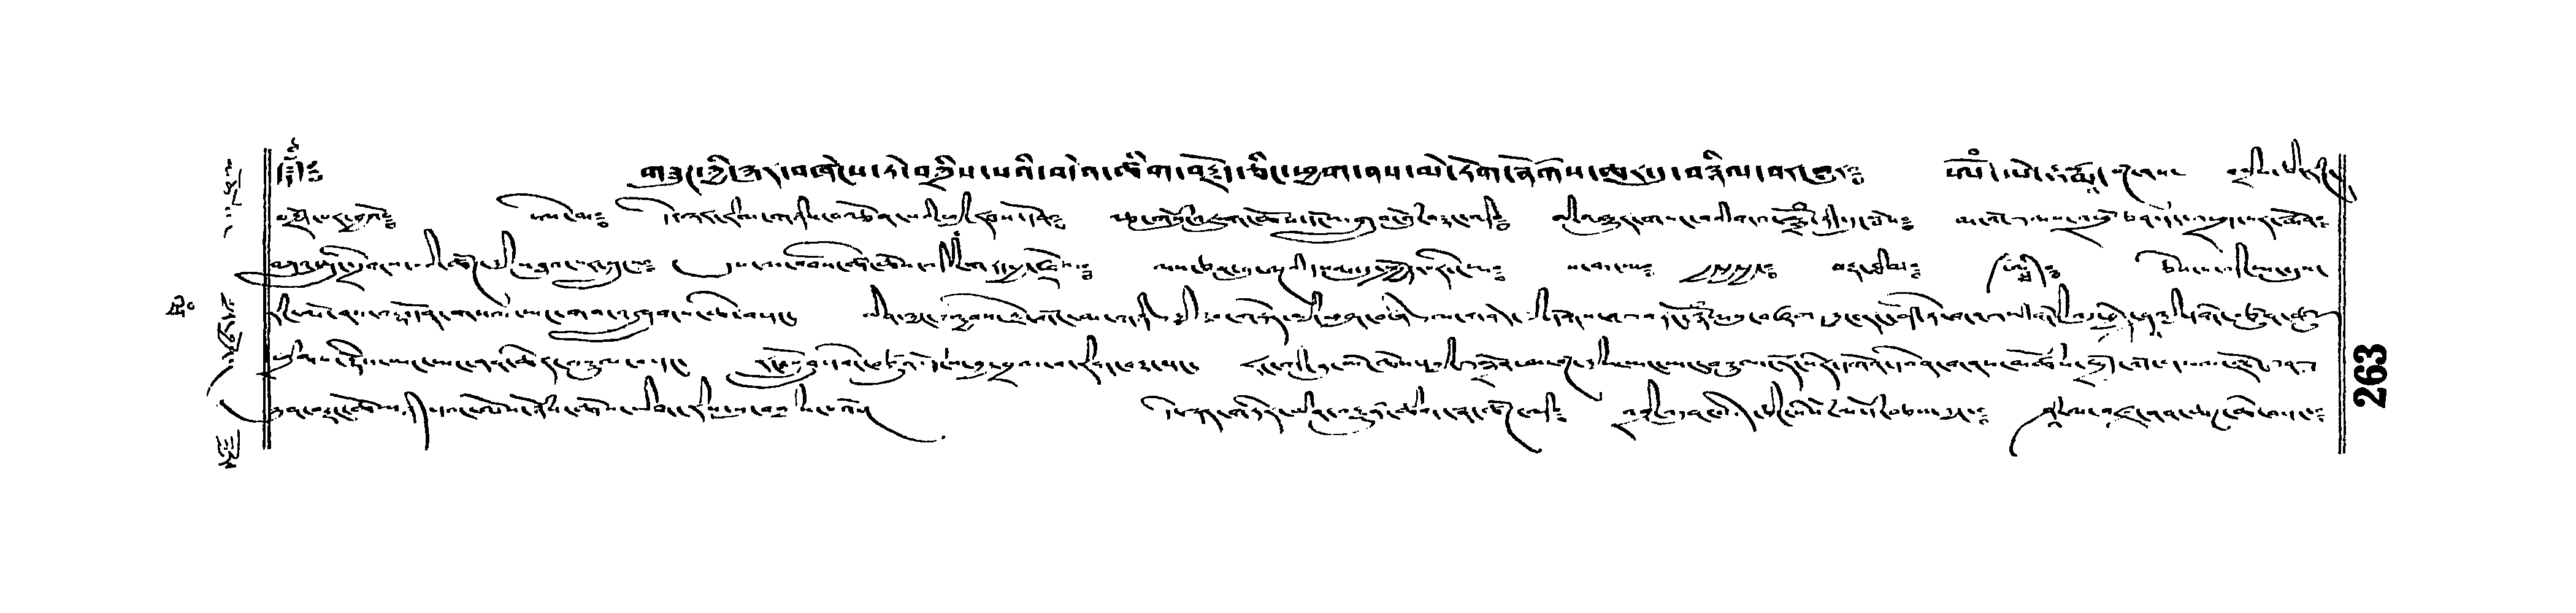གཟུགས་ཀྱི་སྐུར་བཞེངས་ཏེ་བཀྲ་ཤིས་པའི་བདེན་ཚིག་བརྗོད་ཅིང་ཕྱག་ནས་མེ་ཏོག་སྣ་ཚོགས་ཆར་དུ་བསྙིལ་བར་གྱུར༔ ཨོཾ་ཡེ་དྷརྨཱ༴སོགས་ནས། བཀྲ་ཤིས་ཅི་རིགས་
བརྗོད་པར་བྱའོ༔ ཨེ་མ༔ དེ་ལྟར་རིམ་གཉིས་བརྩོན་པའི་ཕྱི་རབས་དོན༔ རྩ་གསུམ་འཇུག་ཆོས་དངོས་གྲུབ་བུམ་བཟང་འདི༔ མི་འགྱུར་གསང་བའི་གབ་སྒྲོམ་ཉིད་དུ་སྦོས༔ མ་འོངས་ལས་འཕྲོ་ཅན་དང་འཕྲད་པར་སྨོན༔ 
བཀའ་སྲུང་དྲེགས་པའི་ཚོགས་ཀྱི་ཐུབ་པར་སྲུངས༔ དུས་ལ་བབས་ཚེ་ཆོས་འདིའི་གཏད་རྒྱ་ཁྲོལ༔ ལས་ཅན་བུ་ལྔའི་དཔལ་དུ་སྤྱོད་པར་ངེས༔ ས་མ་ཡ༔ རྒྱ་རྒྱ་རྒྱ༔ བརྡ་ཐིམ༔ ༔ ཅེས་པ་འདི་ཡང་དུས་
རིང་མོ་ནས་བརྡ་དོན་གསལ་ཡང་གབ་འཁྲུགས་ཆེ་བ་དང་། མིན་ཀྱང་༧སྐྱབས་རྗེ་གོང་མ་གཉིས་ཀྱི་ཟབ་གཏེར་གྱི་ཕྱག་བཞེས་ལ་གནོད་ཀྱི་དོགས་ནས་བཏང་སྙོམས་སུ་བཞག་ཀྱང་རང་གི་ཉེ་གནས་ཡི་གེའི་འདུ་བྱེད་ཤཱཀྱའི་དགེ་བཙུན་ཚུལ་
ཁྲིམས་རྡོ་རྗེས་ཡང་ཡང་ནན་ཆེར་བསྐུལ་པ་དང་། རང་སློབ་དགེ་བཙུན་དམ་པ་བྱ་བྲལ་བ་རིག་བཟང་དང་། རང་གི་བུ་མོ་ཆོས་དབྱིངས་སྒྲོན་མ་སོགས་ཀྱིས་ཡང་ཡང་བསྐུལ་ངོར་སེར་དགོན་དབེན་གནས་མཚམས་ཁྲོད་འོད་གསལ་ལྗོངས་ནས་
ཀུན་བཟང་ཆོས་ཉིད་དབང་མོས་ཉམས་ཆོས་ཡིག་རིས་སུ་བགྱིས་པའོ། དེ་ལྟར་གཏེར་མིན་བརྫུན་ཚིག་སྣ་ཚོགས་འདི། །འབྲི་འདུན་མེད་ཅིང་སེམས་ལ་དམ་བཅས་ཀྱང་། །ཤཱི་ལ་བཛྲ་ནན་ཆགས་ཆེ་བ་དང་།